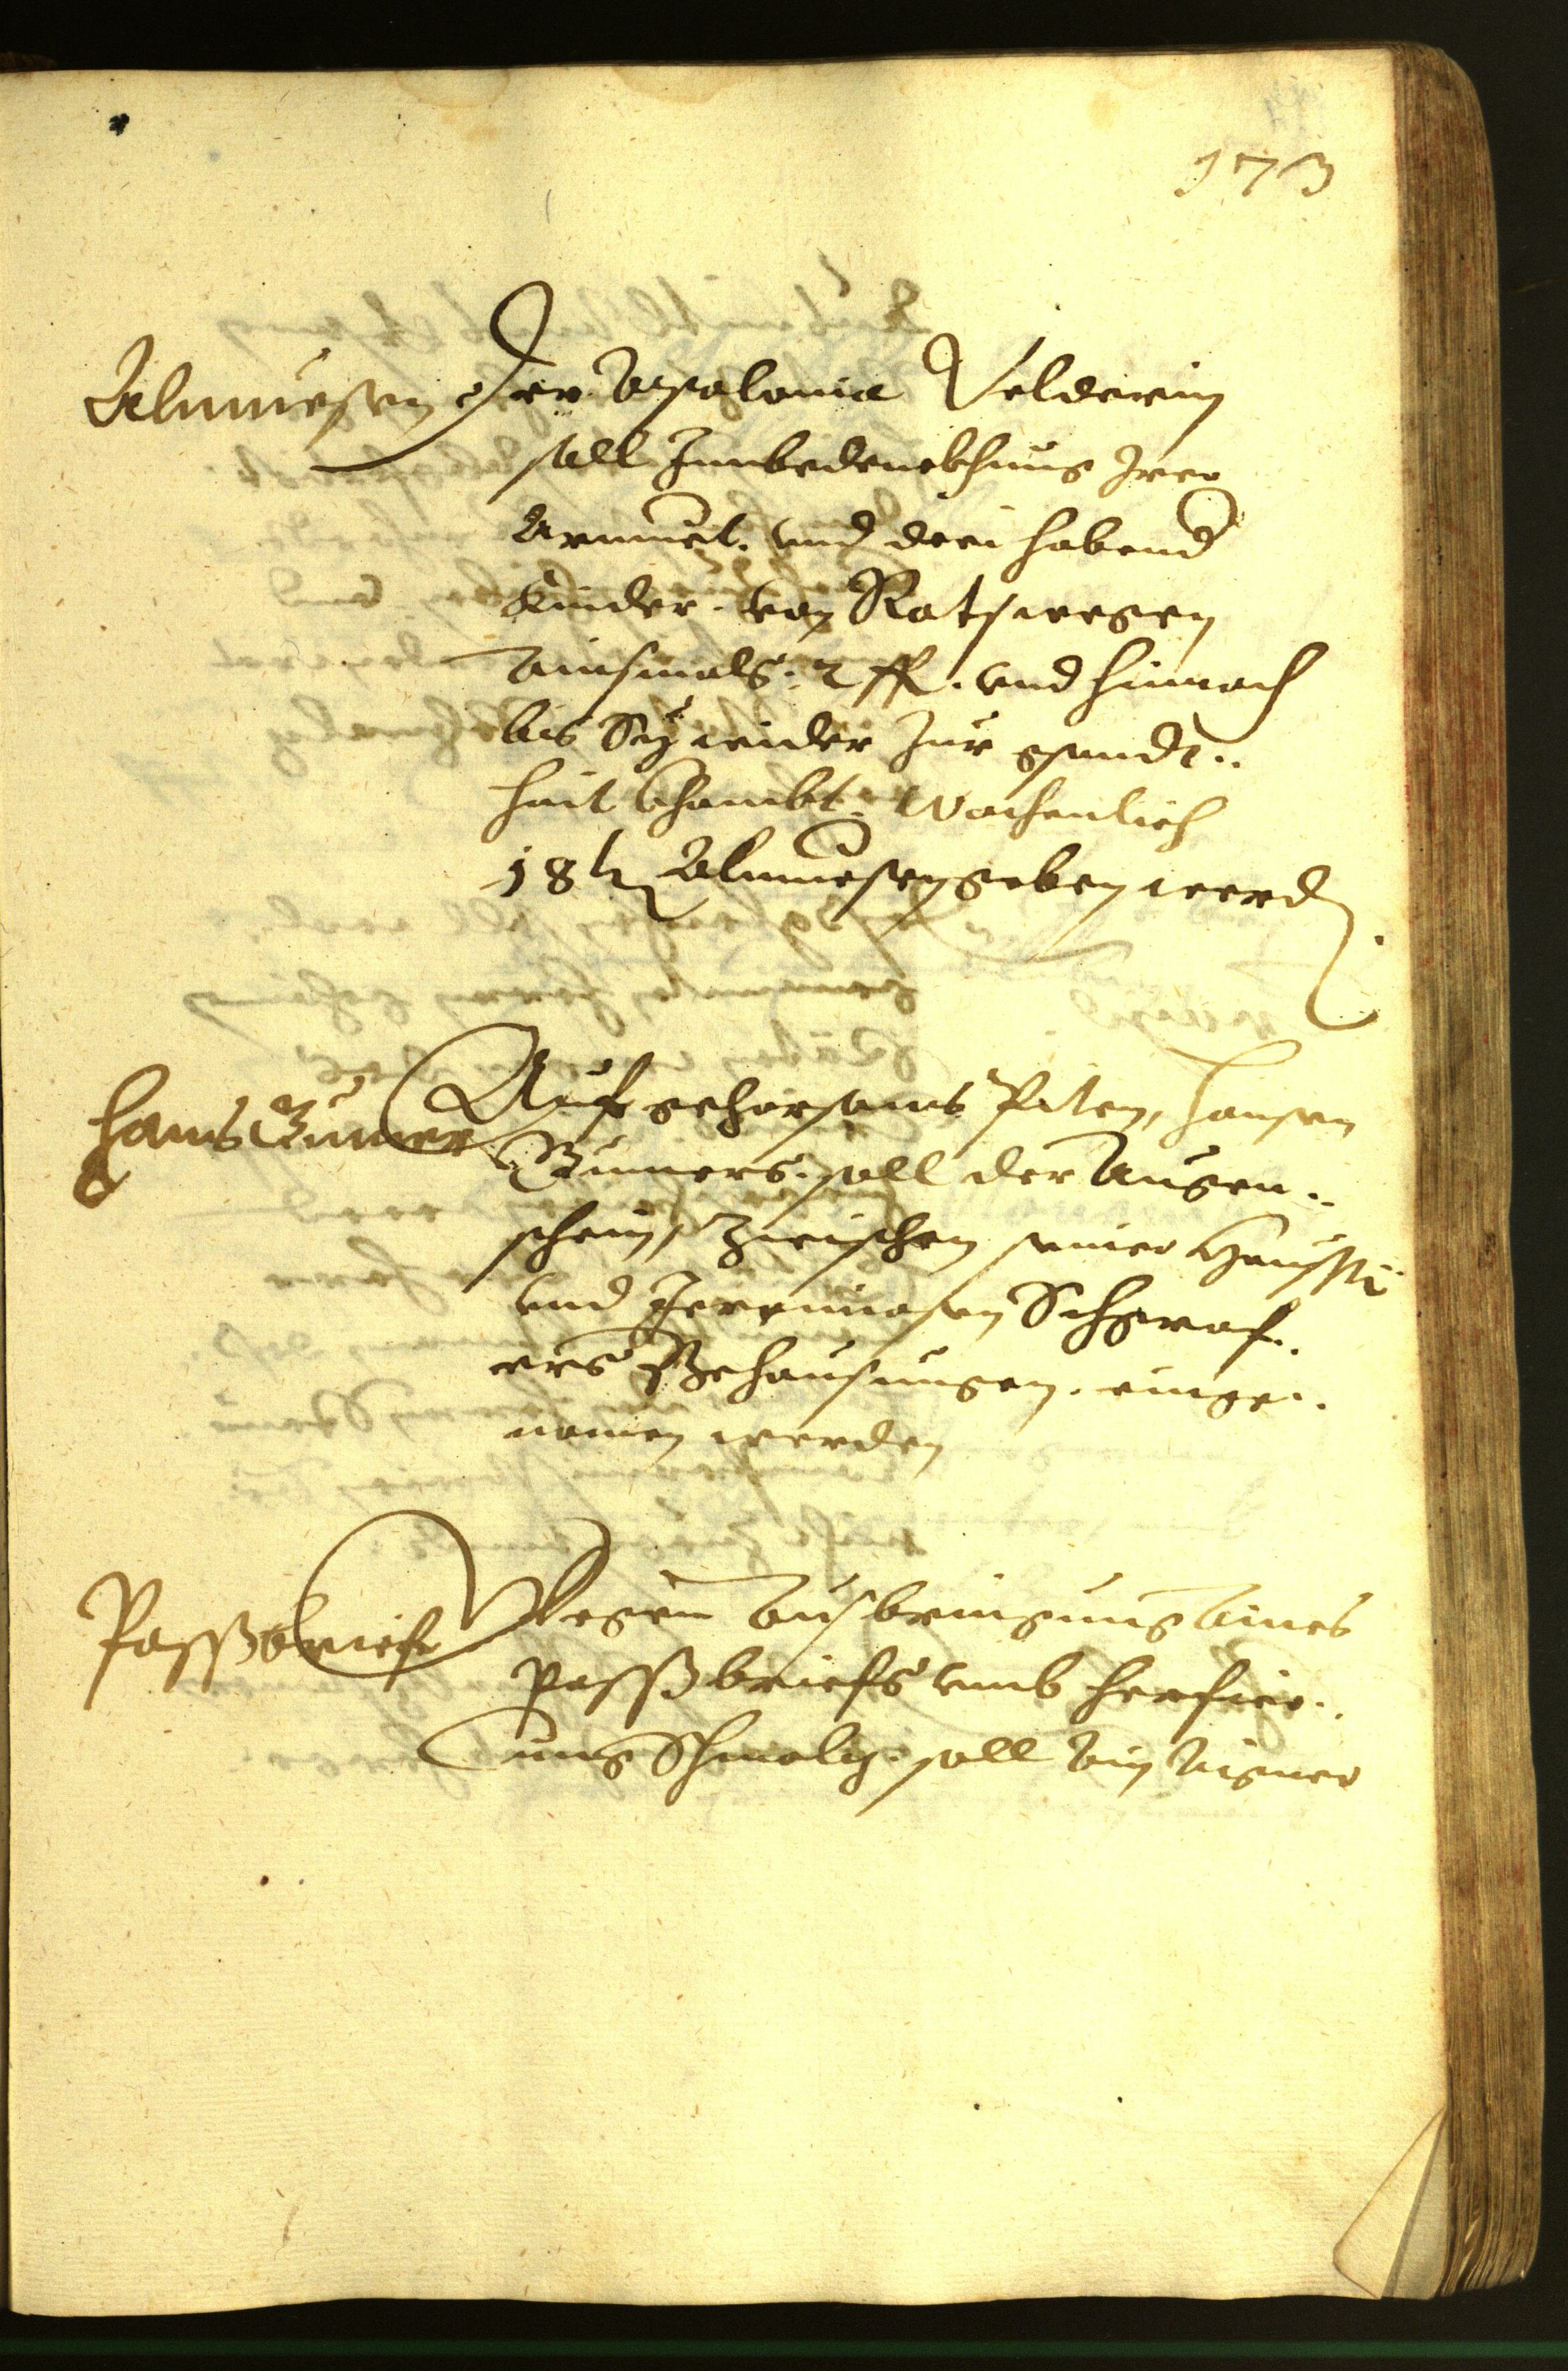173
Der Apolonia Velderin
soll Innbedenckhūng Irer
Armūet. vnd drei habend
Kinder. von Ratswegen
Ainsmals: 2 fl. vnd hinnach
bis Sȳ wider Zūr gsūndt¬
hait khombt. wochenlich
18 k Almūesen geben werd.
Almūesen
Aūf gehorsams Piten, hansen
Gūmers. soll der Aūgen¬
schein Zwischen seiner Heūss
vnd Jeronimosen Schgraf¬
ers Behaūsūngen. einge¬
nomen werden
hans Gūmer
Wegen Aūsbringūng Aines
Pasßbriefs vmb herfier¬
ūng Schmalz. soll Ain Aigner
Pasßbrief